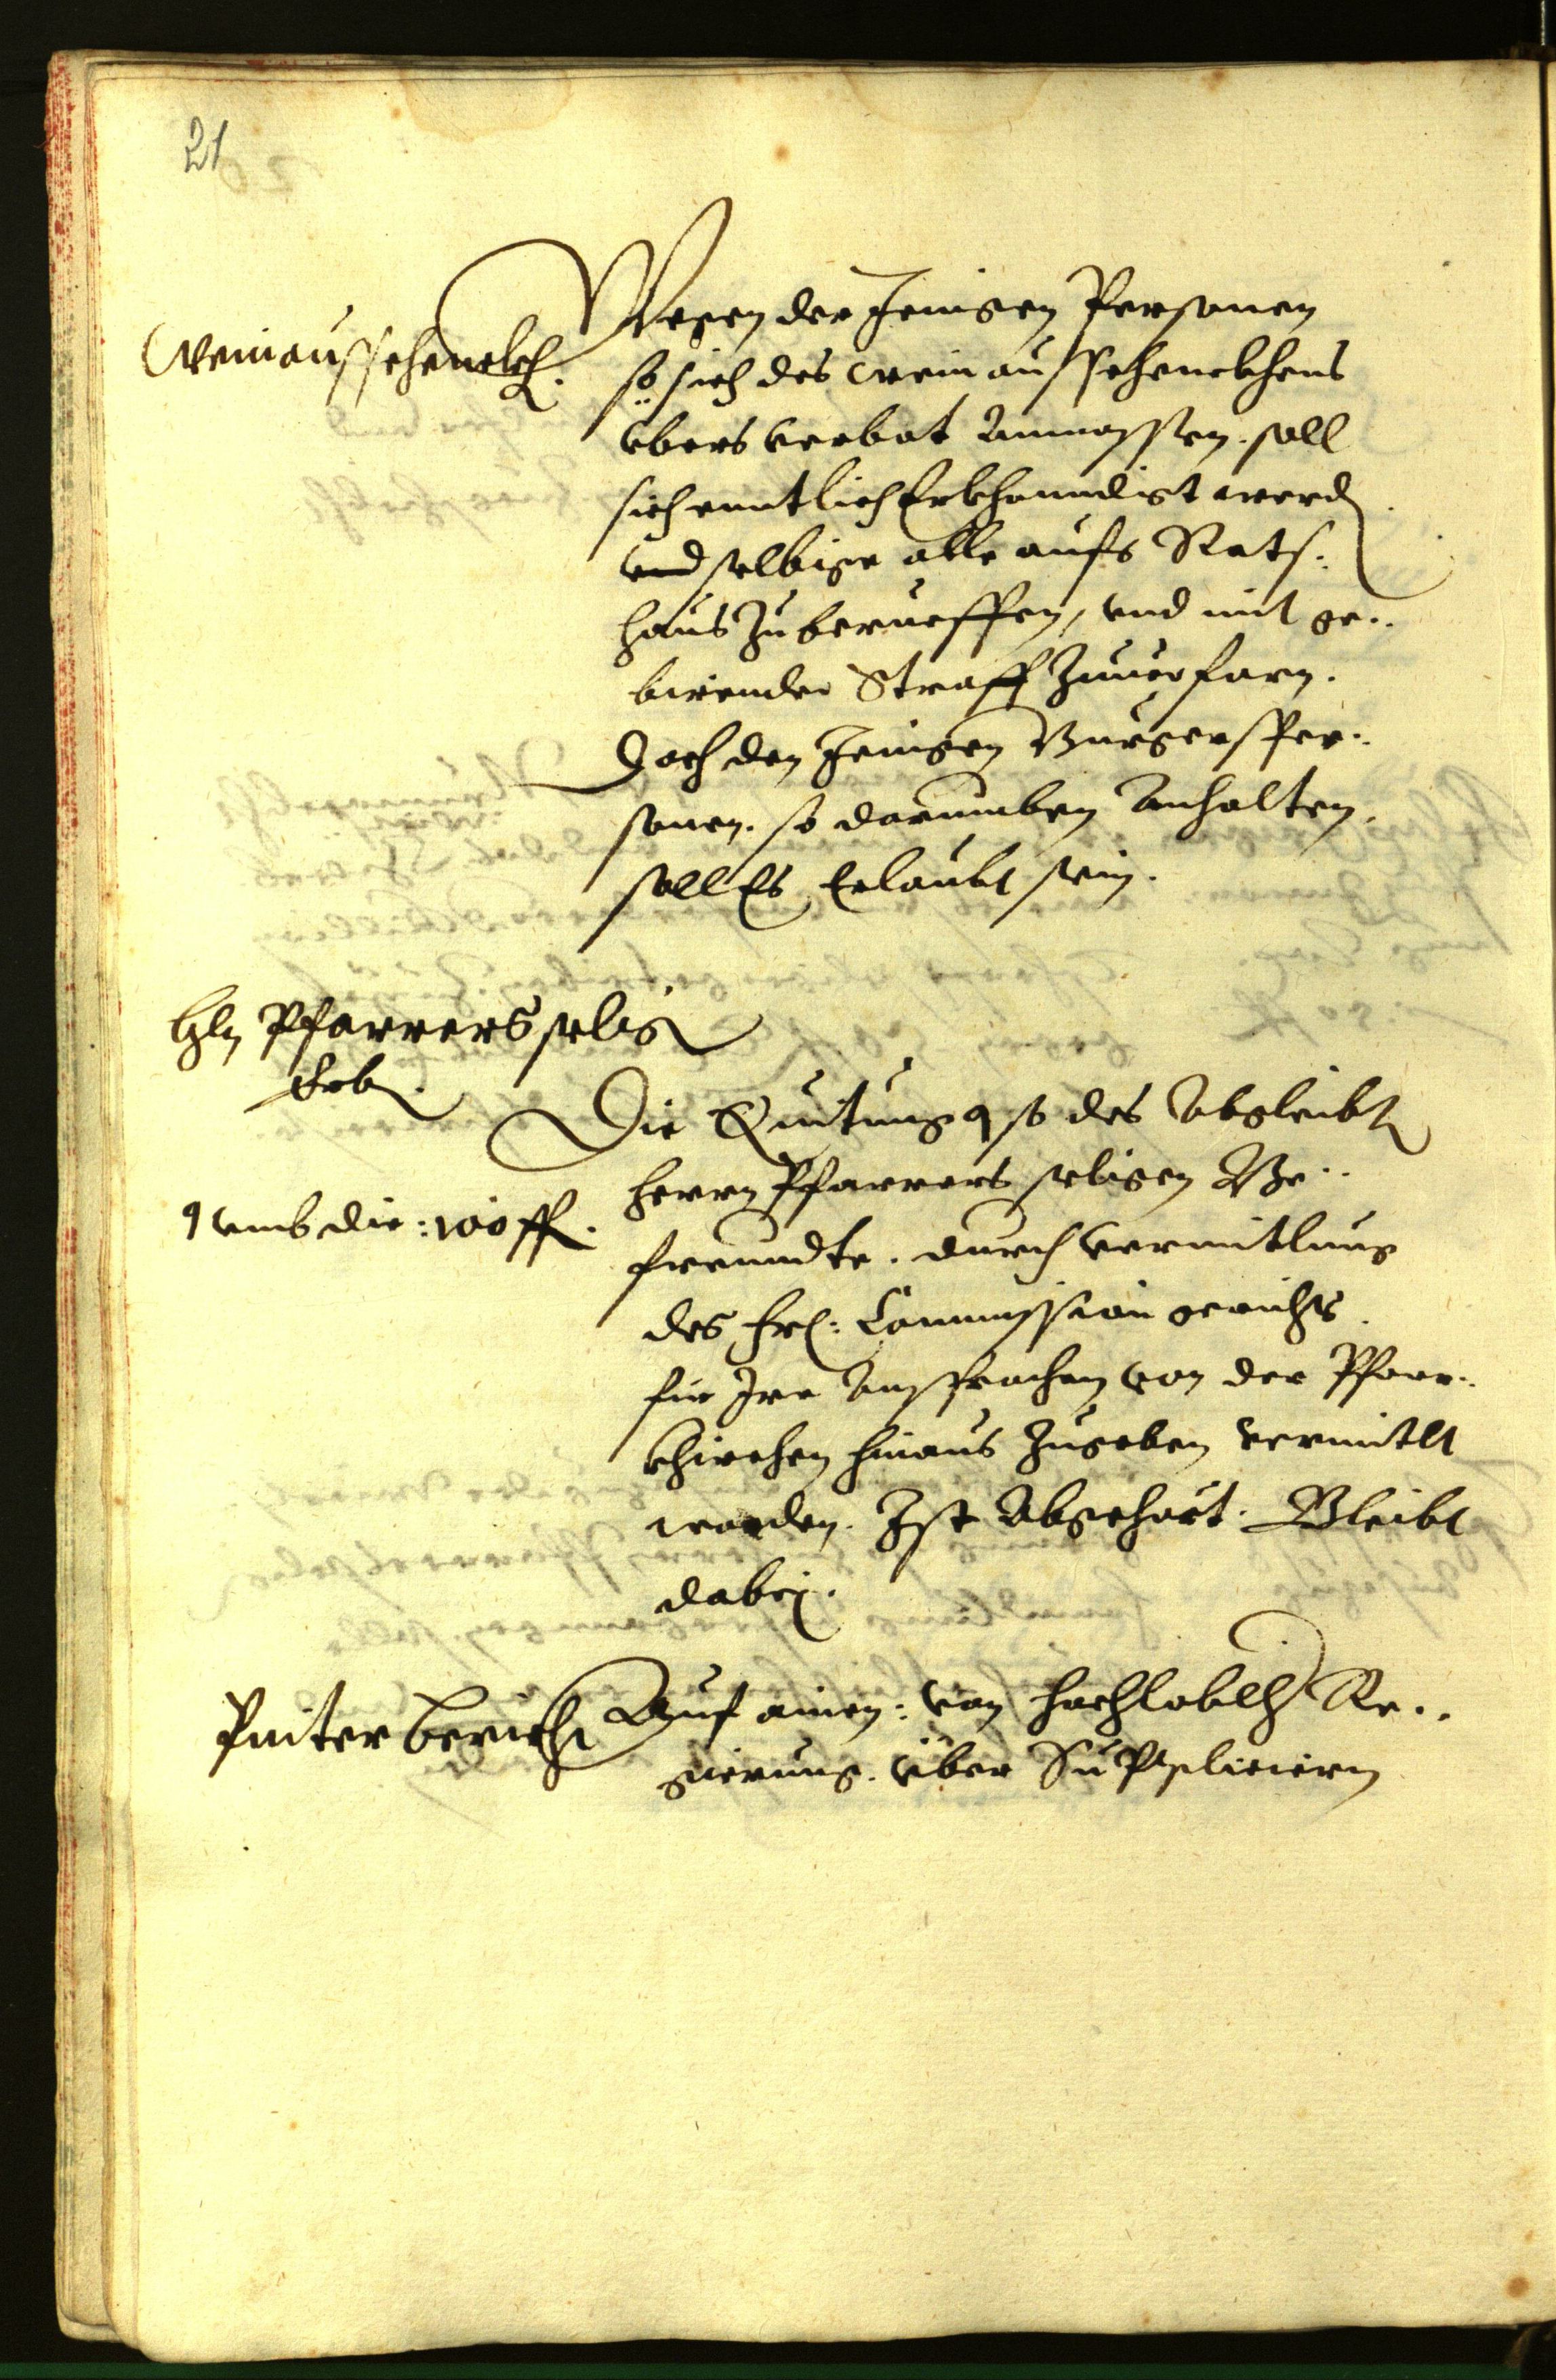21
Wegen der Jenigen Personen
so sich des wein aūsschenckhens
v̈bers verbot Anmassen. soll
sich enntlich Erkhonndigt werd.
vnd selbige alle aūfs Rats¬
haūs Zū berūeffen, vnd mit ge¬
birender Straff Zūūerfarn.
Doch den Jenigen Būrgersper¬
sonen. so darūmben Anhalten,
soll Es Erlaūbt sein.
Wein aūsschenckh.
Hln Pfarrers selig
Hab.
umb die: 100 fl.
Die Qūitūng so des Abgleibt
herrn Pfarrers seligen Be¬
freūndte. durch vermitlūng
des Frl: Commission gerichts.
fir Ire AnsPrachen von der Pfarr¬
khirchen hinaūs Zugeben vermitlt
worden. Ist Abgehōrt. Bleibt
dabej.
Aūf ainen: von hochloblich Re¬
gierūng. über SūPpliciern
Pinter bericht